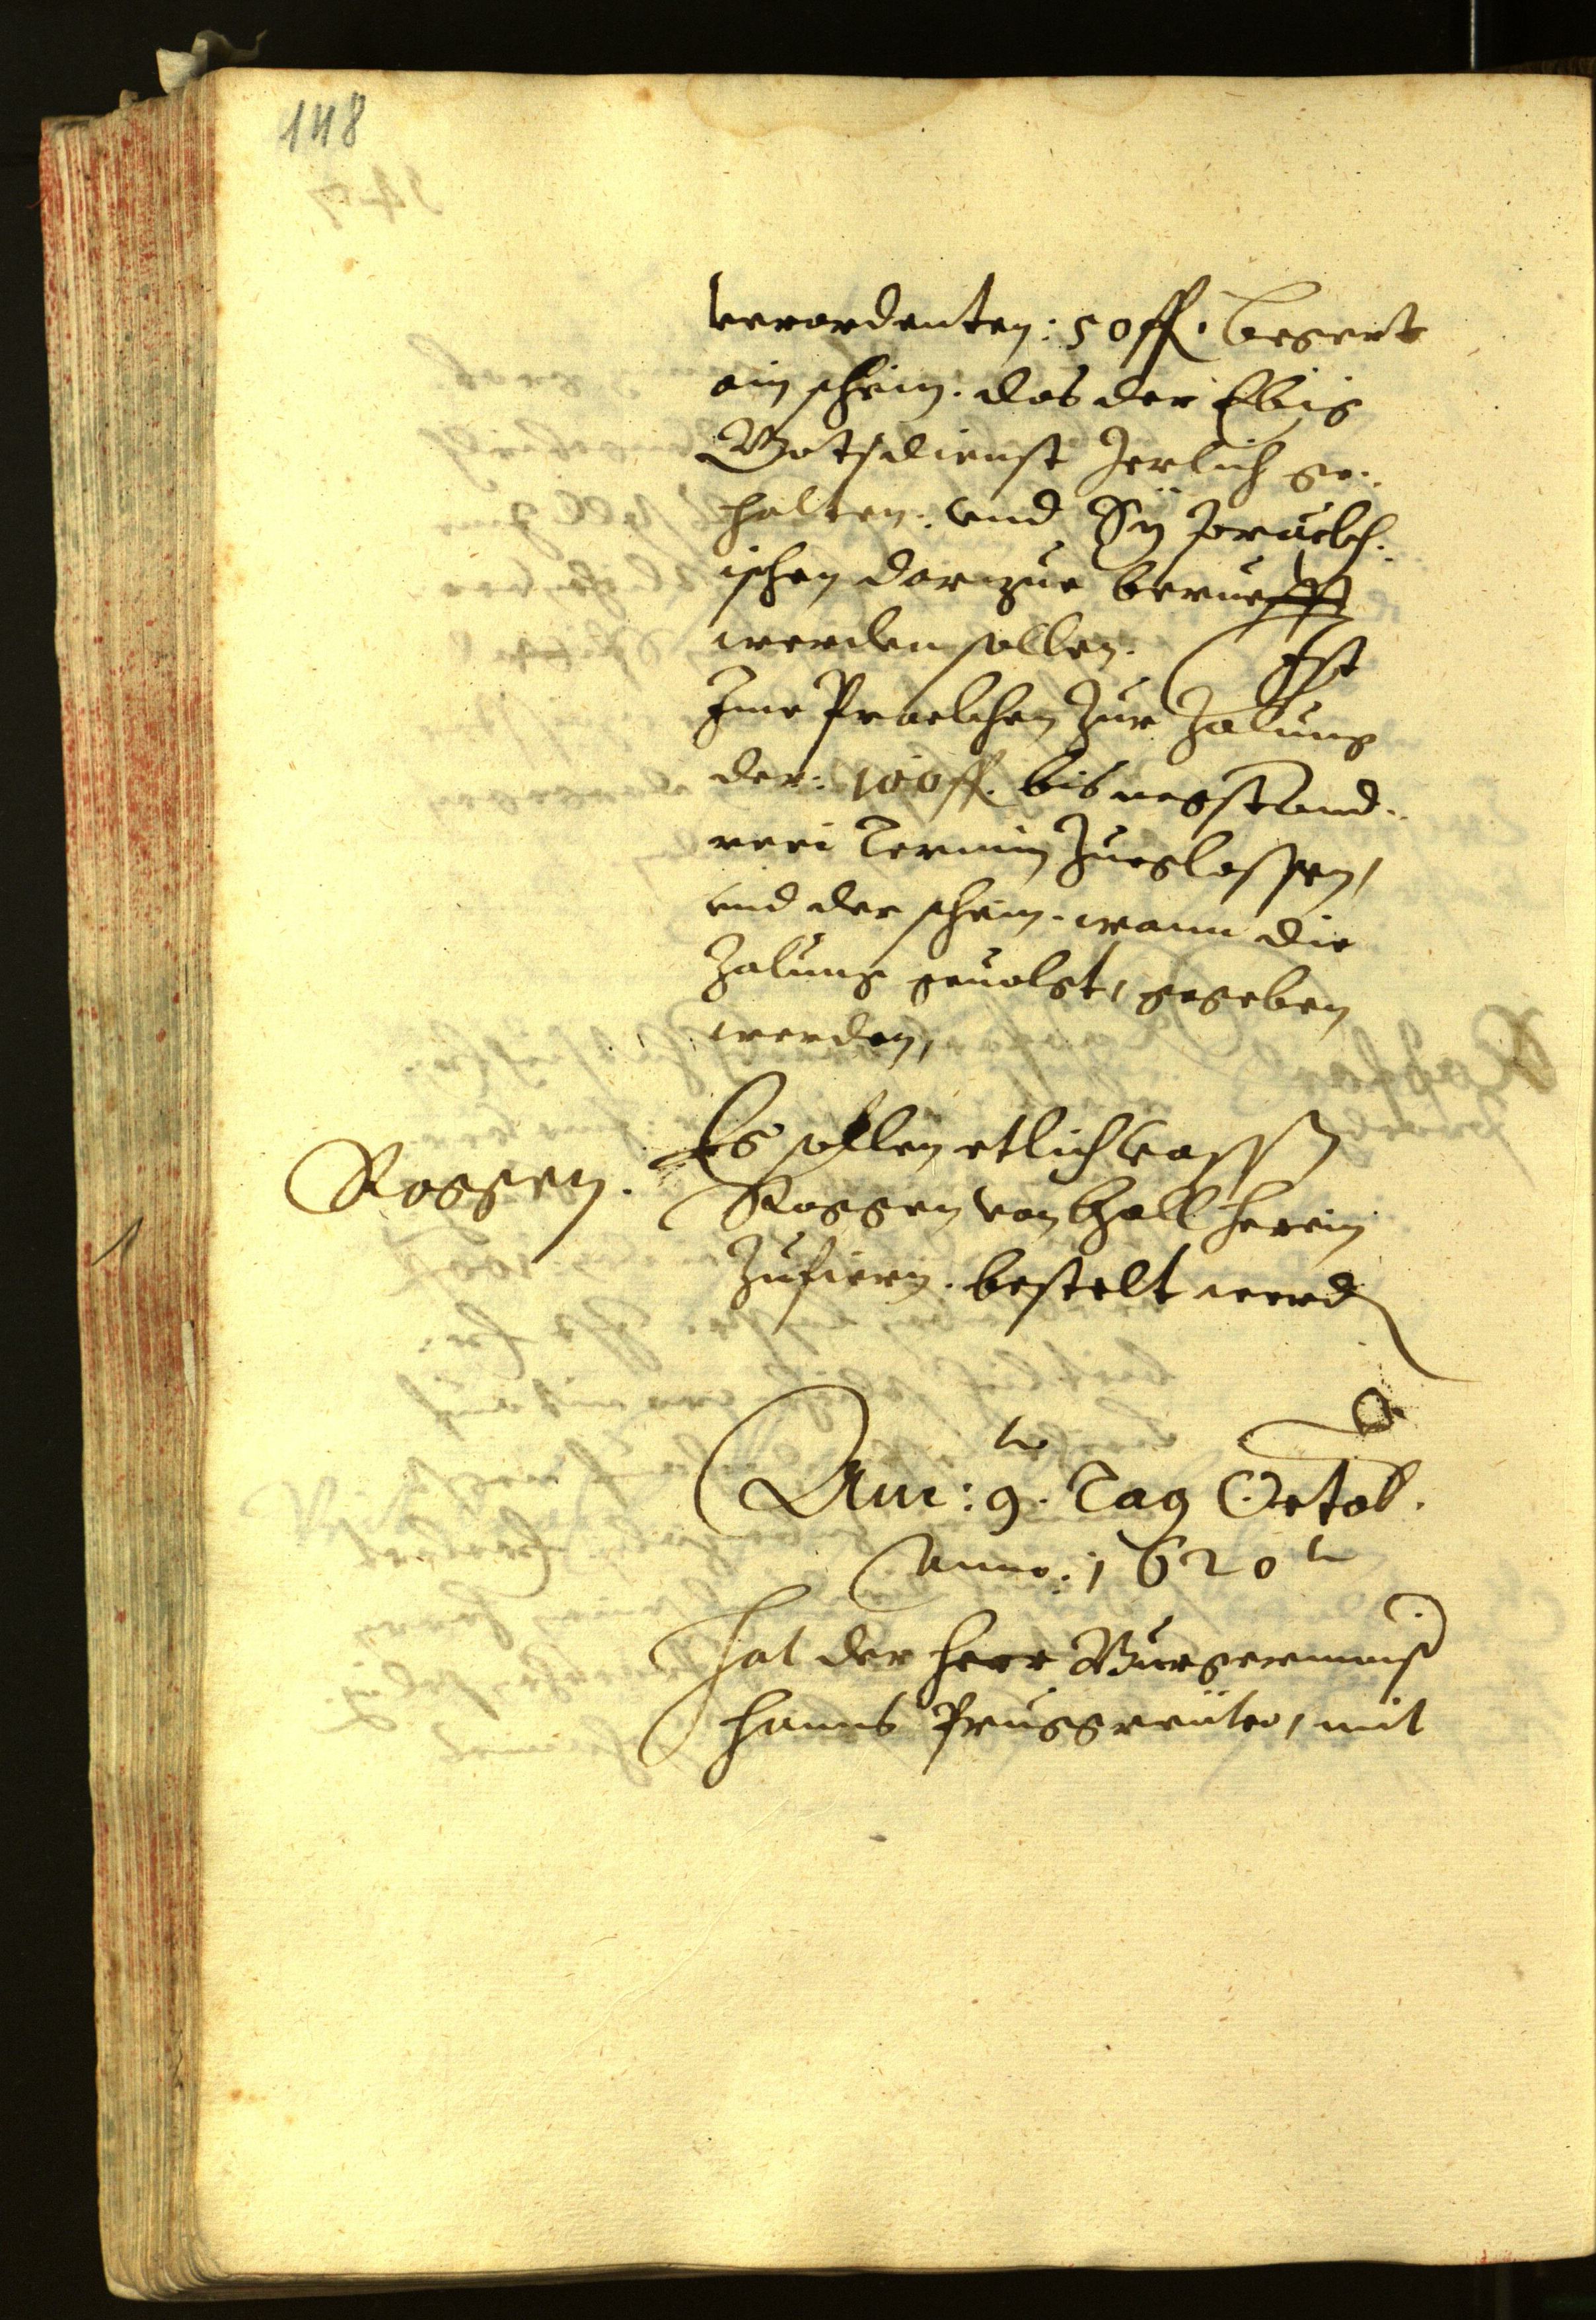148
verordenten: 50 fl. begert
ain schein. das der Ebig
Gotsdienst Jerlich ge¬
halten: vnd Sÿ Prāckh¬
ischen dar zūe berūefft
werden sollen. Ist
Ime Prackhen Zūr Zalūng
der: 100 fl. bis negst And¬
reei Termin Zūeglassen,
vnd der schein. wann die
Zalūng geūolgt, gegeben
werden,
Es sollen etlich vasß
Roggen von Hall herein
Zūfiern. bestelt werd
Roggen.
t
Am: 9. Tag Octob.
Anno: 1620 t
Hat der herr Būrgermaist
Hanns Prūggreüter, mit